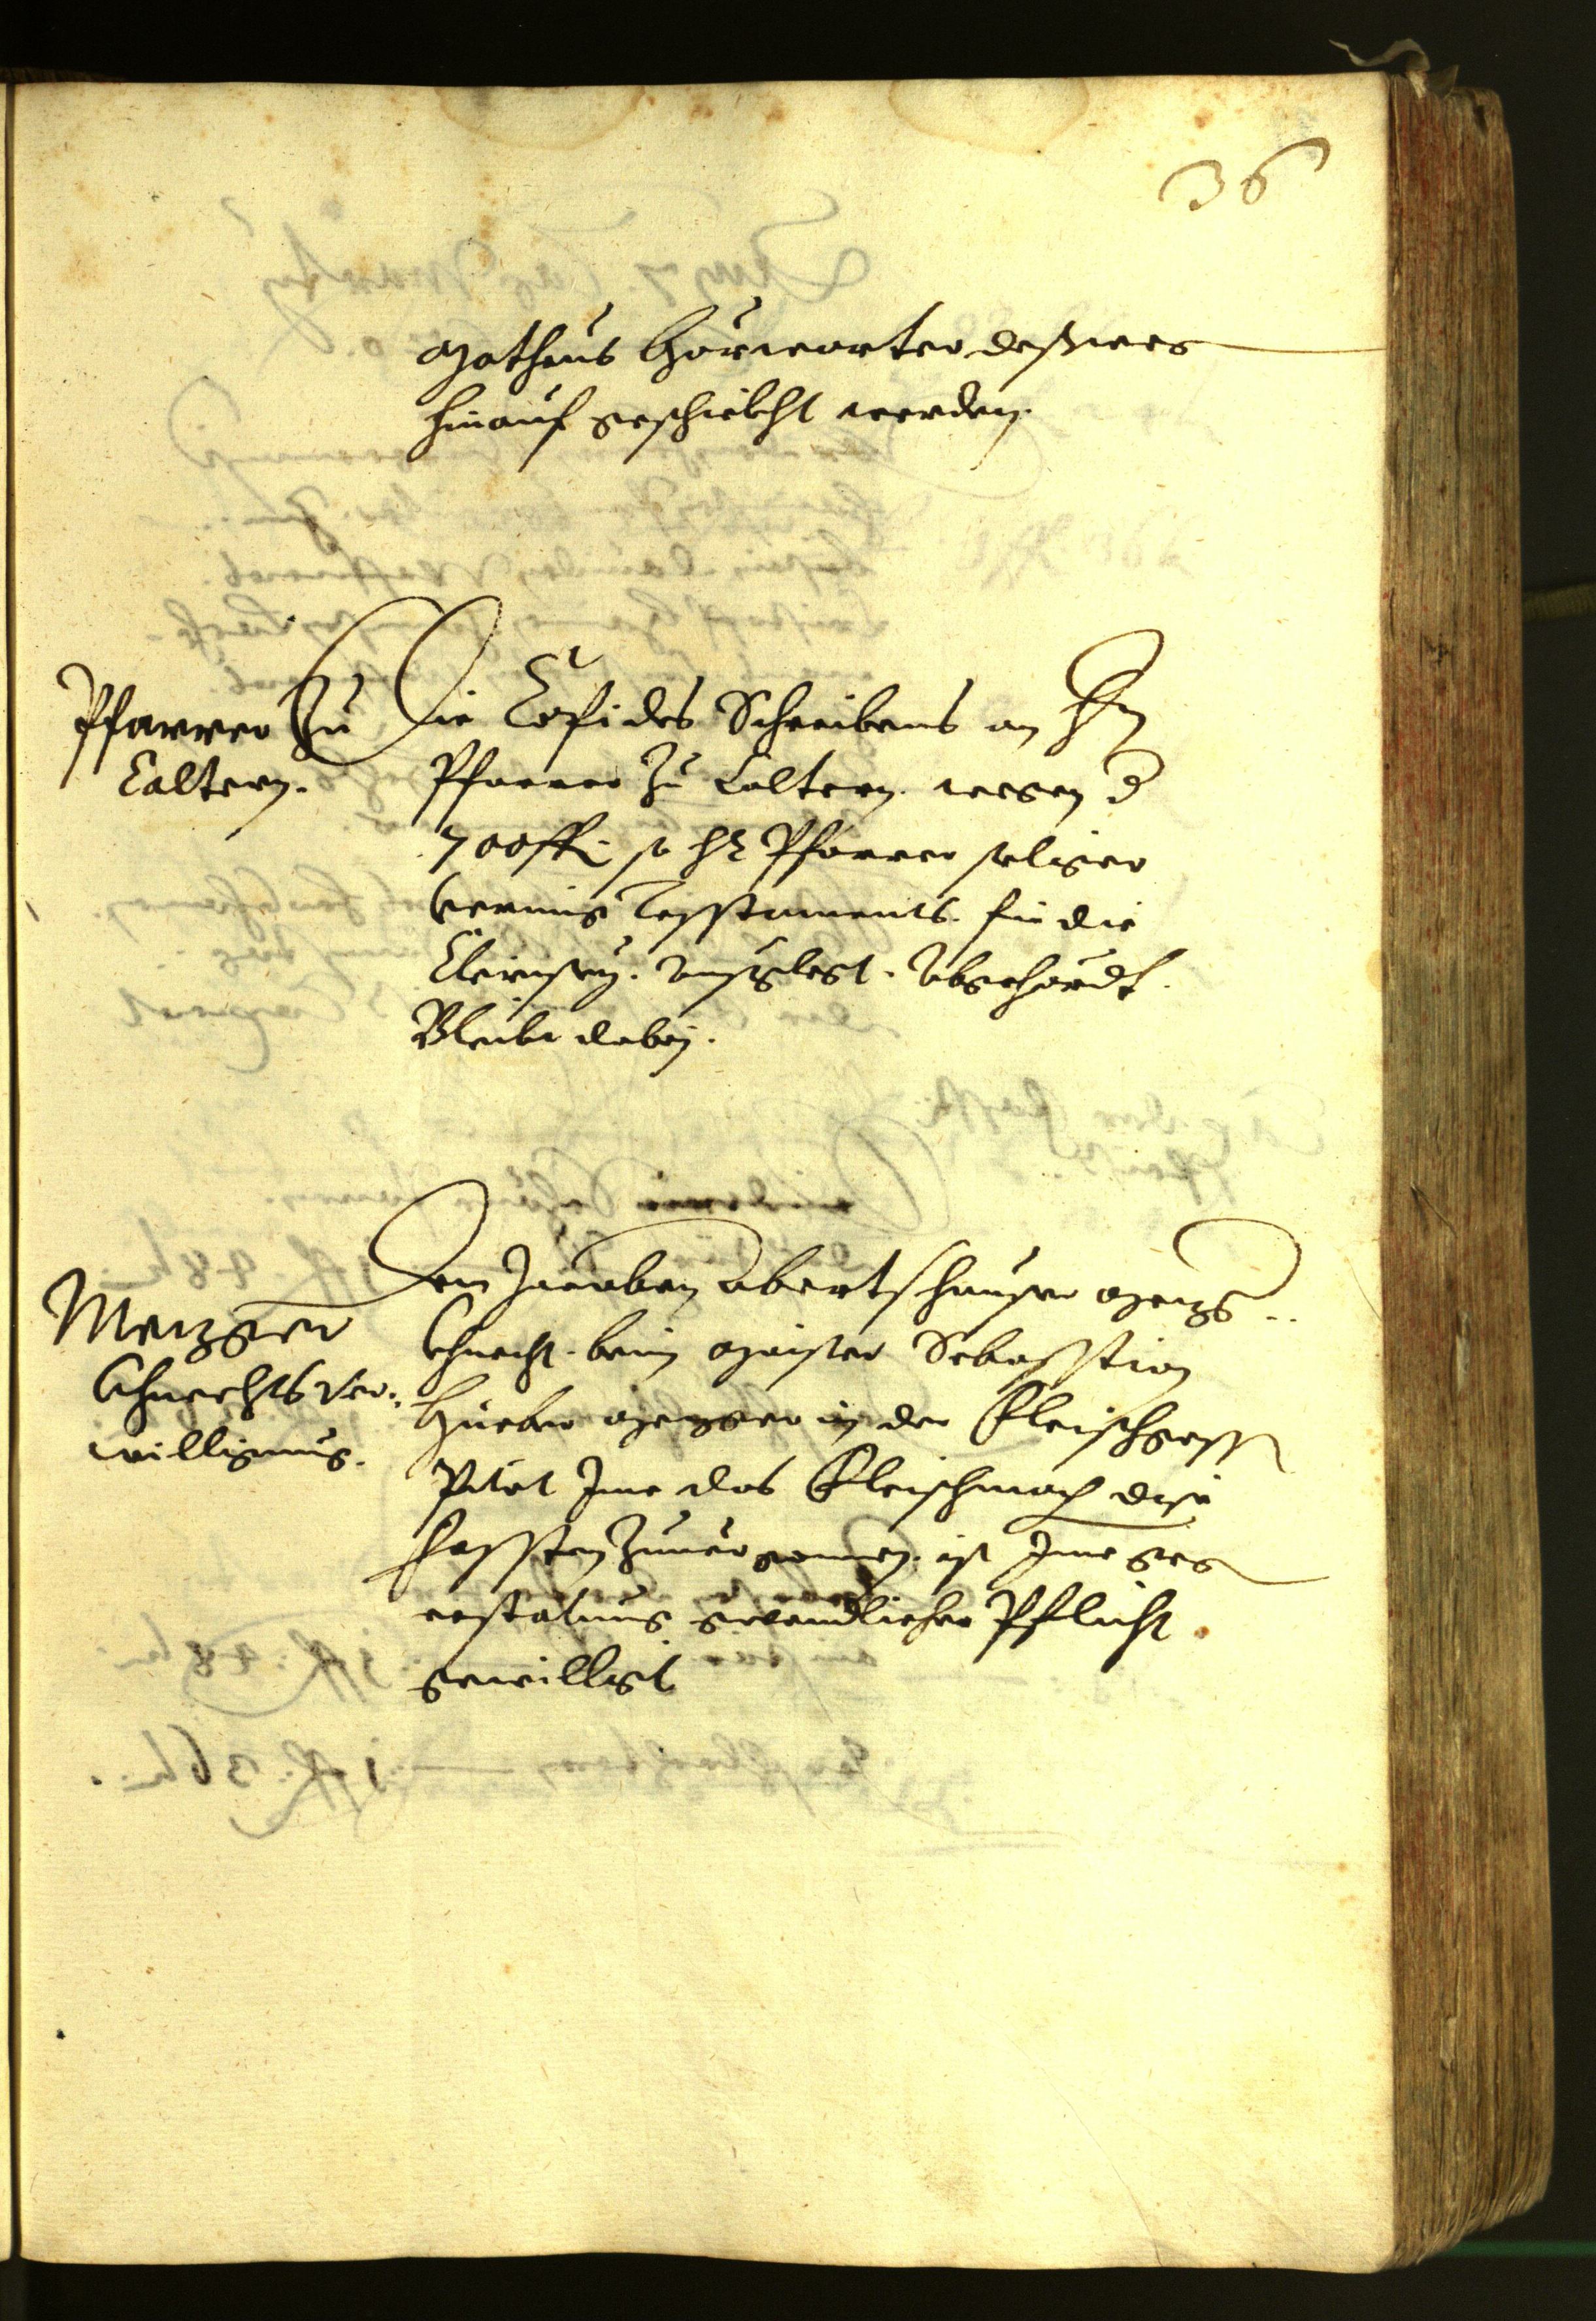36
Matheūs Hōrwarter desweg
hinaūf geschickht werden.
Die CoPi des Schreibens an hn
Pfarrer Zū Caltern. wegen d
.700 fl. so h Pfarrer seliger
Vermig Tesstaments. fir die
Cleriseȳ Aūsgelegt. Abgehōrdt.
Bleibt dabej.
Pfarrer Zū
Caltern.
Den Jacoben Abertshaūser Mezg¬
khnecht. beim Maister Sebastian
Hūeber Mezger in der Fleischgass
Pitet Ime das Fleischmach dise
Fassten Zūuērgonnen. ist Ime geg
erstatūng gwendliche Pflicht
gewilligt.
Mezger
Khnechts Ver¬
willigūng.